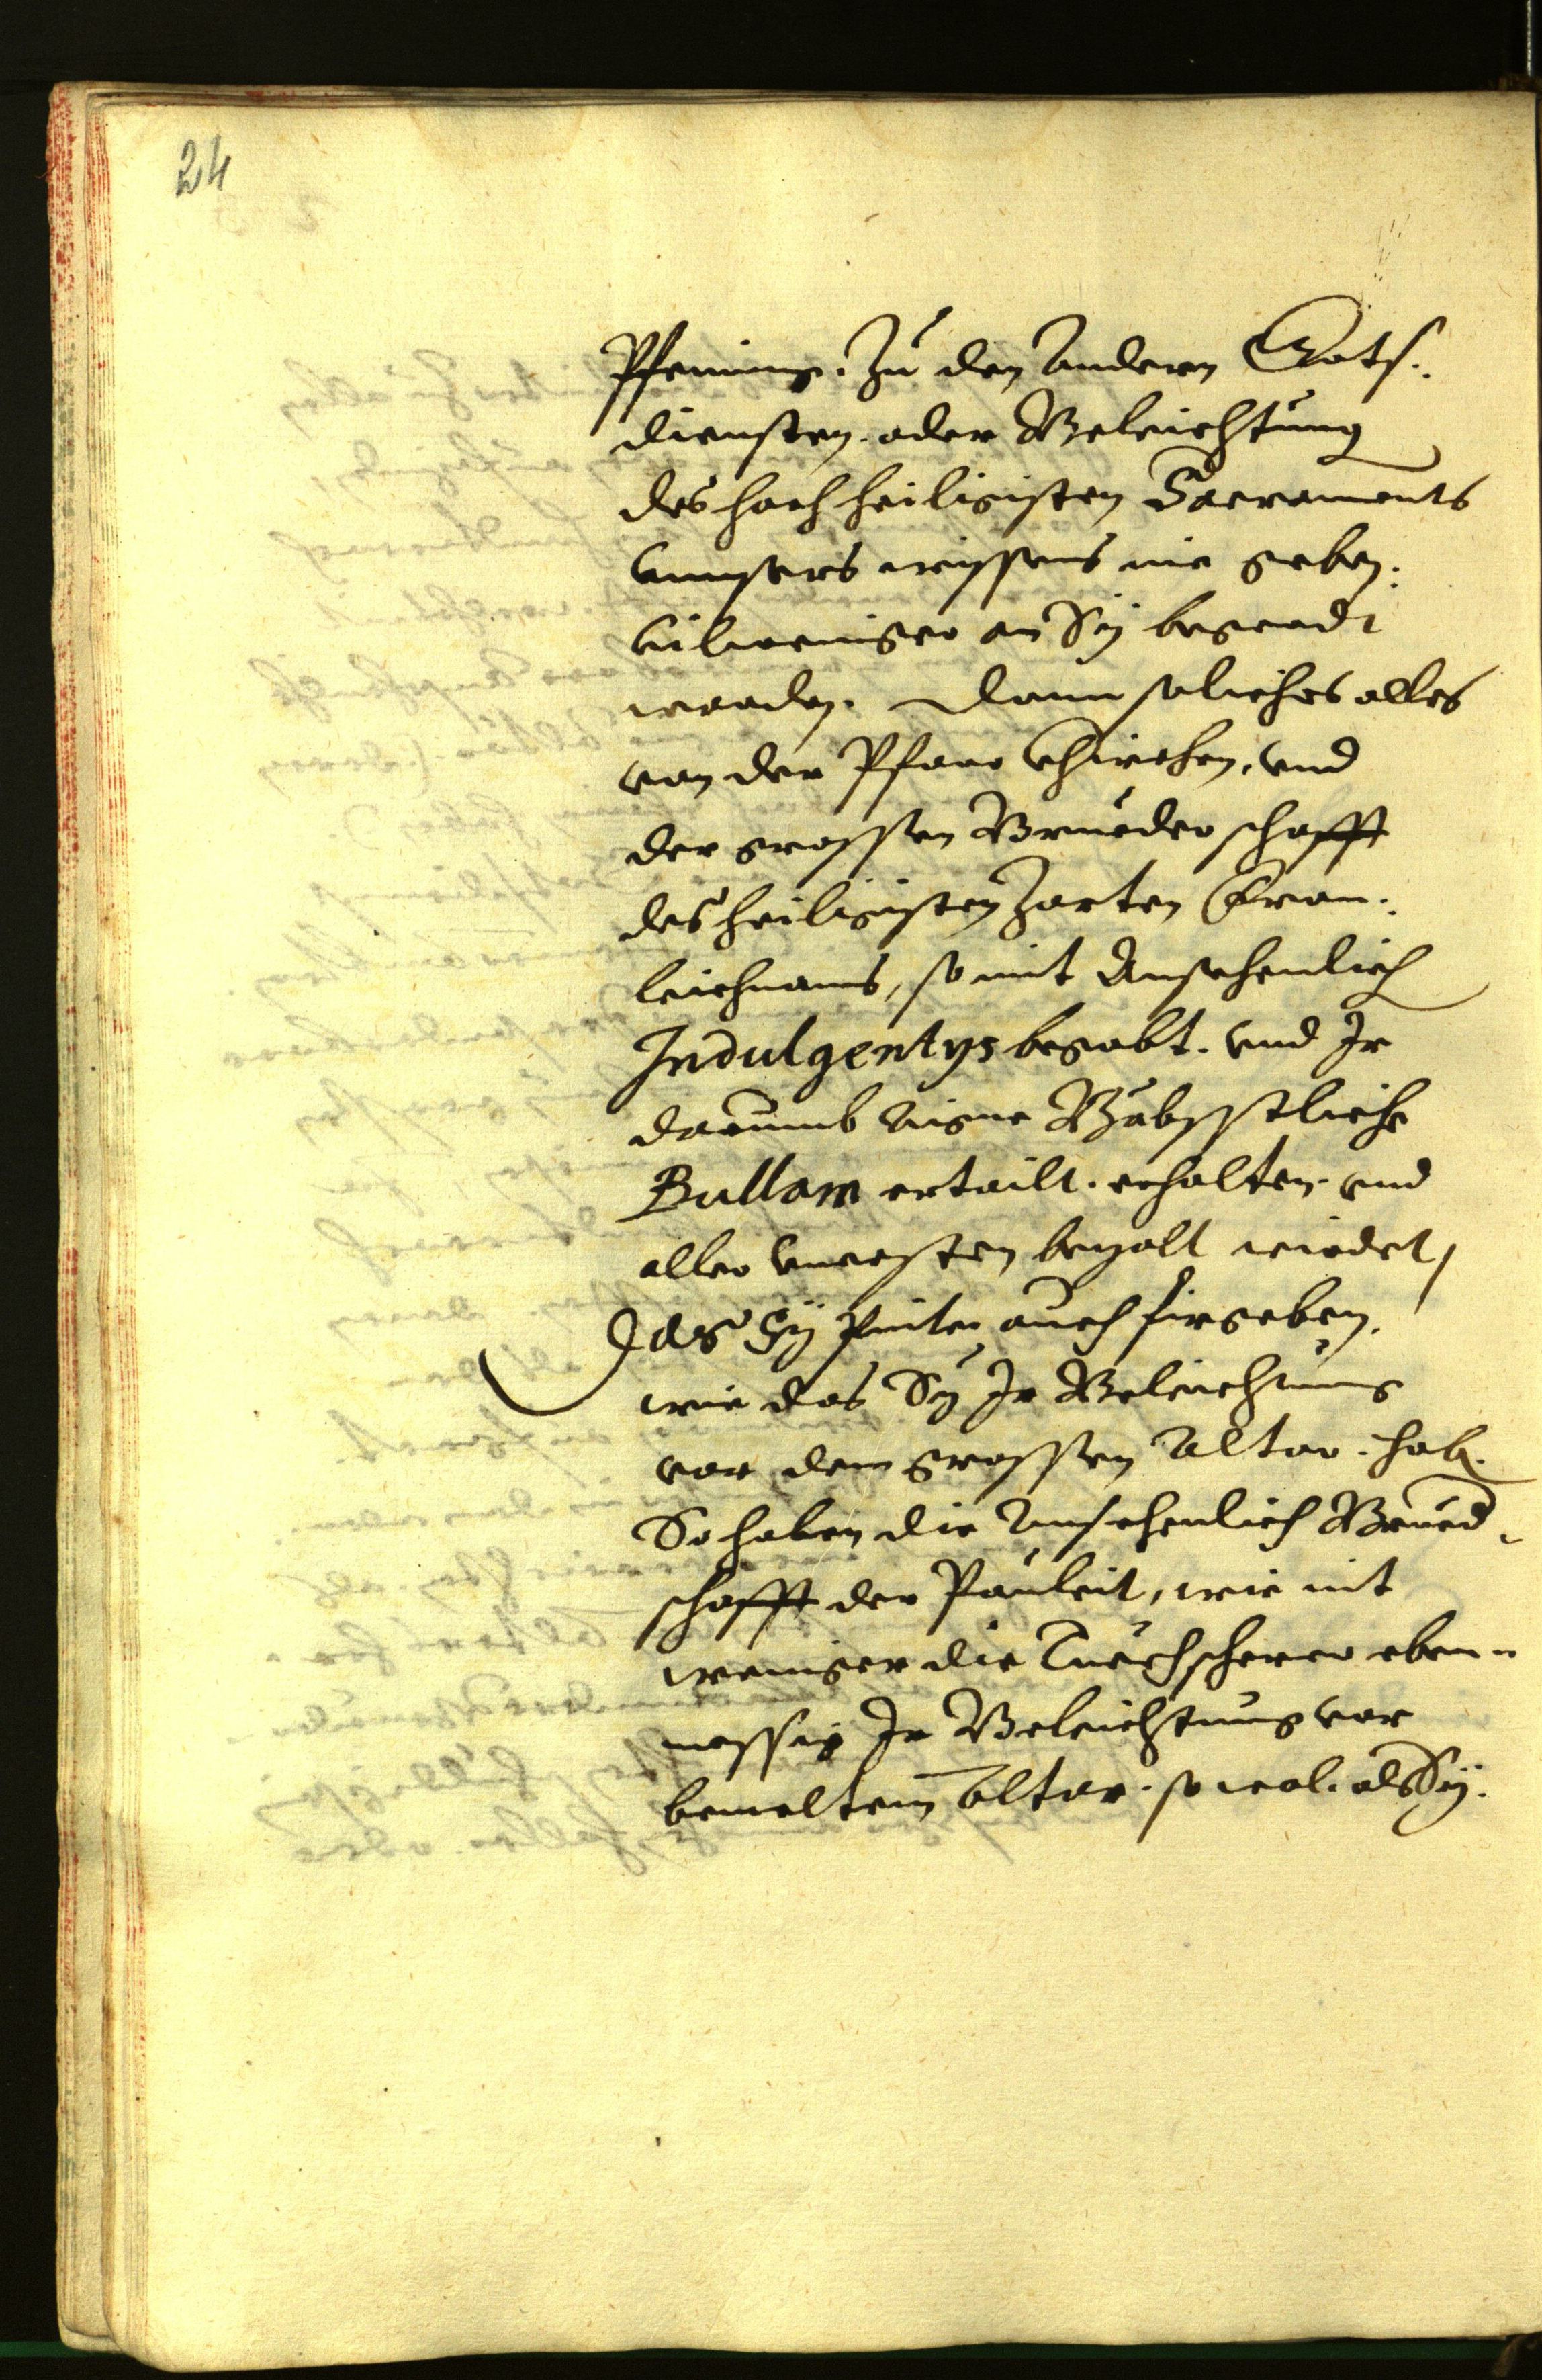24
Pfenning. Zū den Andern Gots¬
diensten. oder Beleichtūng
des hoch heiligisten Sacraments
unnsers wissens nie geben:
vilweniger an Sÿ begerdt
worden. Dann soliches alles
von der Pfarr Khirchen. vnd
der grossen Brūederschafft
des heiligisten Zarten Fron¬
leichnams, so mit Ansehenlich
Indulgentys begabt. vnd Ir
darūmb Aigne Bäbsstliche
Bullam ertailt. erhalten. vnd
aller vncosten bezalt wirdet,
Das Sÿ Pinter aūch firgeben.
wie das Sȳ Ir Beleichtūng
vor dem grossen Altar. hab.
So haben die Ansehenlich Brūed¬
schafft der Paūleit, wie nit
weniger die Tūechscherer eben¬
messig Ir Beleichtūng vor
bemeltem Altar. so wol. als Sÿ.